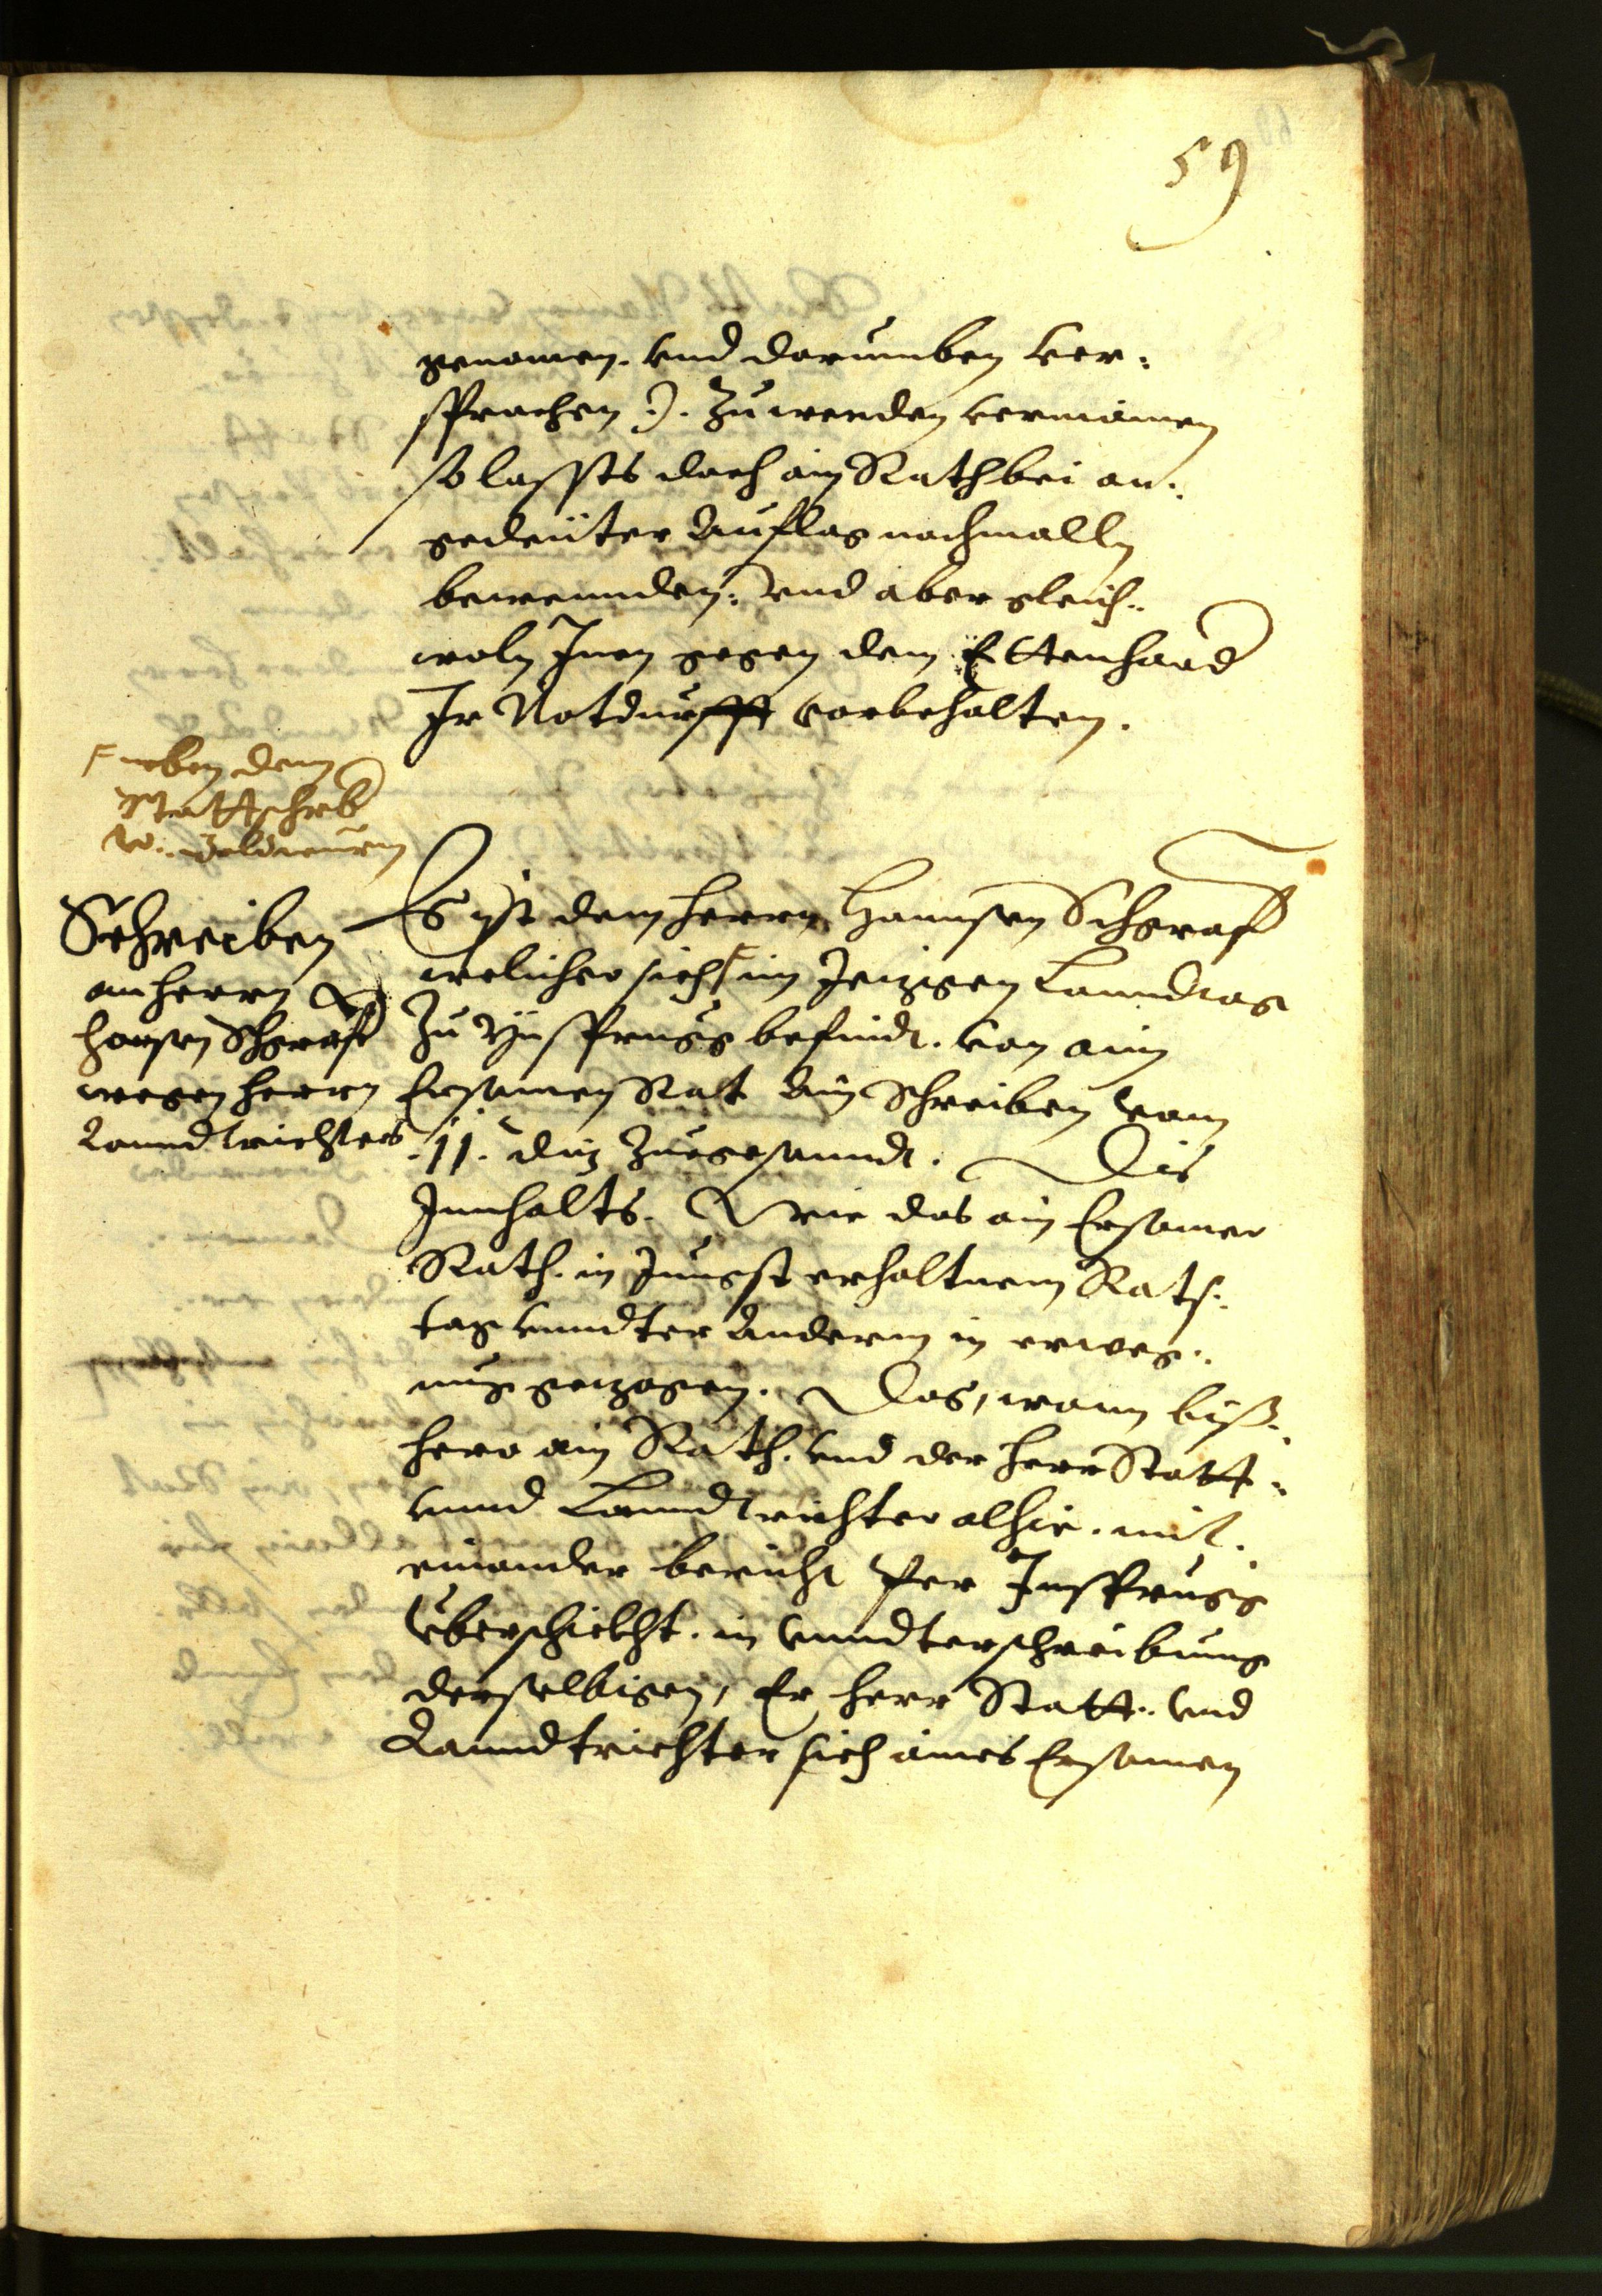59
genomen. vnd darūmben ver¬
sprochen.). Zū werden vermainen
so lassts doch ain Rath bei an¬
gedeüter Aūflag nochmalln
bewennden: vnd aber gleich¬
woln Inen gegen dem Ettenhard
Ir Notdūrfft vorbehalten.
neben dem
Stattschrb
W. Goldwūrm
Es ist dem herrn Hannsen Schgraf
welicher sich im Jetzigen Lanndtag
Zū YnsPrūgg befindt. von aim
Ersamen Rat Ain Schreiben vom
.11. diz Zūegesanndt. Dis
Innhalts. Wie das ain Ersamer
Rath. in Jūngst erhaltnem Rats¬
tag vnndter Anderm in erweg¬
ūng gezogen. das, wann biß¬
hero ain Rath. vnd der herr Statt¬
vnnd Lanndtrichter alhie. mit¬
einander bericht Per InsPrūgg
v̄berschickht. in vndterschreibūng
derselbigen, Er herr Statt: vnd
Lanndtrichter sich aines Ersamen
Schreiben
an herrn
Hansen Schgraf
wegen herrn
Lanndtrichters